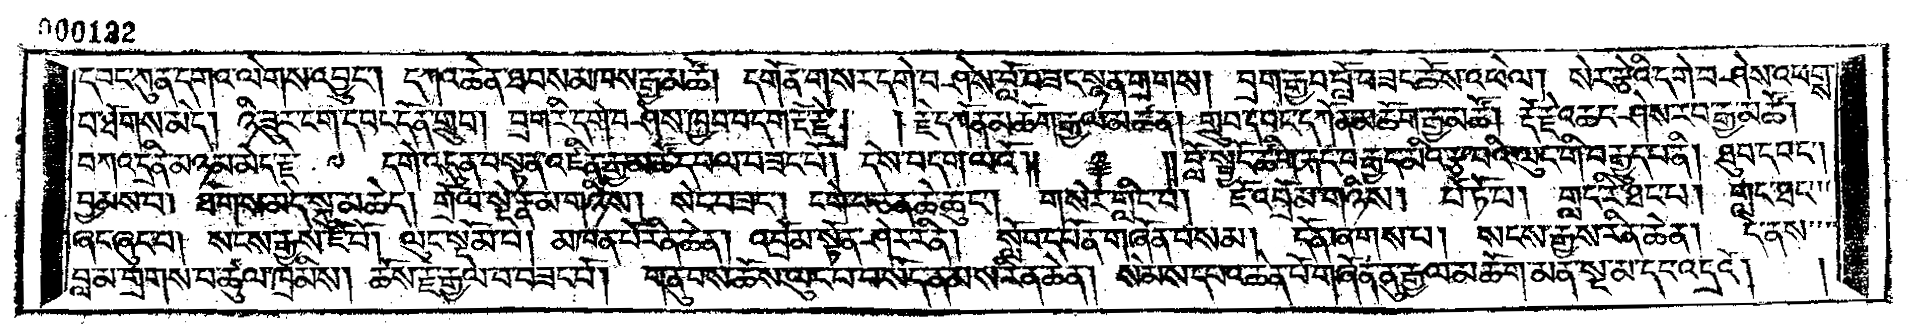དབང་ཀུན་དགའ་ལེགས་འབྱུང་། དཀའ་ཆེན་ཐབས་མཁས་རྒྱ་མཚོ། དགོན་གསར་དགེ་བཤེས་བློ་བཟང་སྙན་གྲགས། བྲག་རྒྱབ་བློ་བཟང་ཆོས་འཕེལ། སེར་རྩེའི་དགེ་བཤེས་འཕགས་
པ་ཐོགས་མེད། ཉི་ཟུར་ངག་དབང་དོན་གྲུབ། བྲག་རི་དགེ་བཤེས་ཁྱབ་བདག་རྡོ་རྗེ། །རྗེ་དཀོན་མཆོག་རྒྱལ་མཚན། གྲུབ་དབང་དཀོན་མཆོག་རྒྱ་མཚོ། རྡོ་རྗེ་འཆང་ཤེས་རབ་རྒྱ་མཚོ།
བཀའ་དྲིན་མཉམ་མེད་རྗེ ༧་དགེ་འདུན་བསྟན་འཛིན་རྒྱ་མཚོ་དཔལ་བཟང་པོ། དེས་བདག་ལའོ།། ༈ །།བློ་སྦྱོང་ཚིག་རྐང་བརྒྱད་མའི་རྩ་བའི་ལུང་གི་བརྒྱུད་པ་ནི། ཐུབ་དབང་།
བྱམས་པ། ཐོགས་མེད་སྐུ་མཆེད། གྲོལ་སྡེ་རྣམ་གཉིས། སེང་བཟང་། དགེ་བ་ཅན་ཆེ་ཆུང་། གསེར་གླིང་བ། ཇོ་འབྲོམ་གཉིས། པོ་ཏོ་པ། གླང་རི་ཐང་པ། གླང་ཐང་
ཞང་ཞུང་བ། སངས་རྒྱས་ཇོ་བོ། ལུང་སྡོམ་པ། མཁན་པོ་རིན་ཆེན། འབྲོམ་སྟོན་ཤེར་རིན། སློབ་དཔོན་གཞོན་བསམ། དོན་ཞགས་པ། སངས་རྒྱས་རིན་ཆེན། དེ་ནས་
བླ་མ་གྲགས་པ་ཚུལ་ཁྲིམས། ཆོས་རྗེ་རྒྱལ་བ་བཟང་པོ། གནུབས་ཆོས་ལུང་པ་བསོད་ནམས་རིན་ཆེན། སེམས་དཔའ་ཆེན་པོ་གཞོན་ནུ་རྒྱལ་མཆོག་མན་སྔ་མ་དང་འདྲའོ།